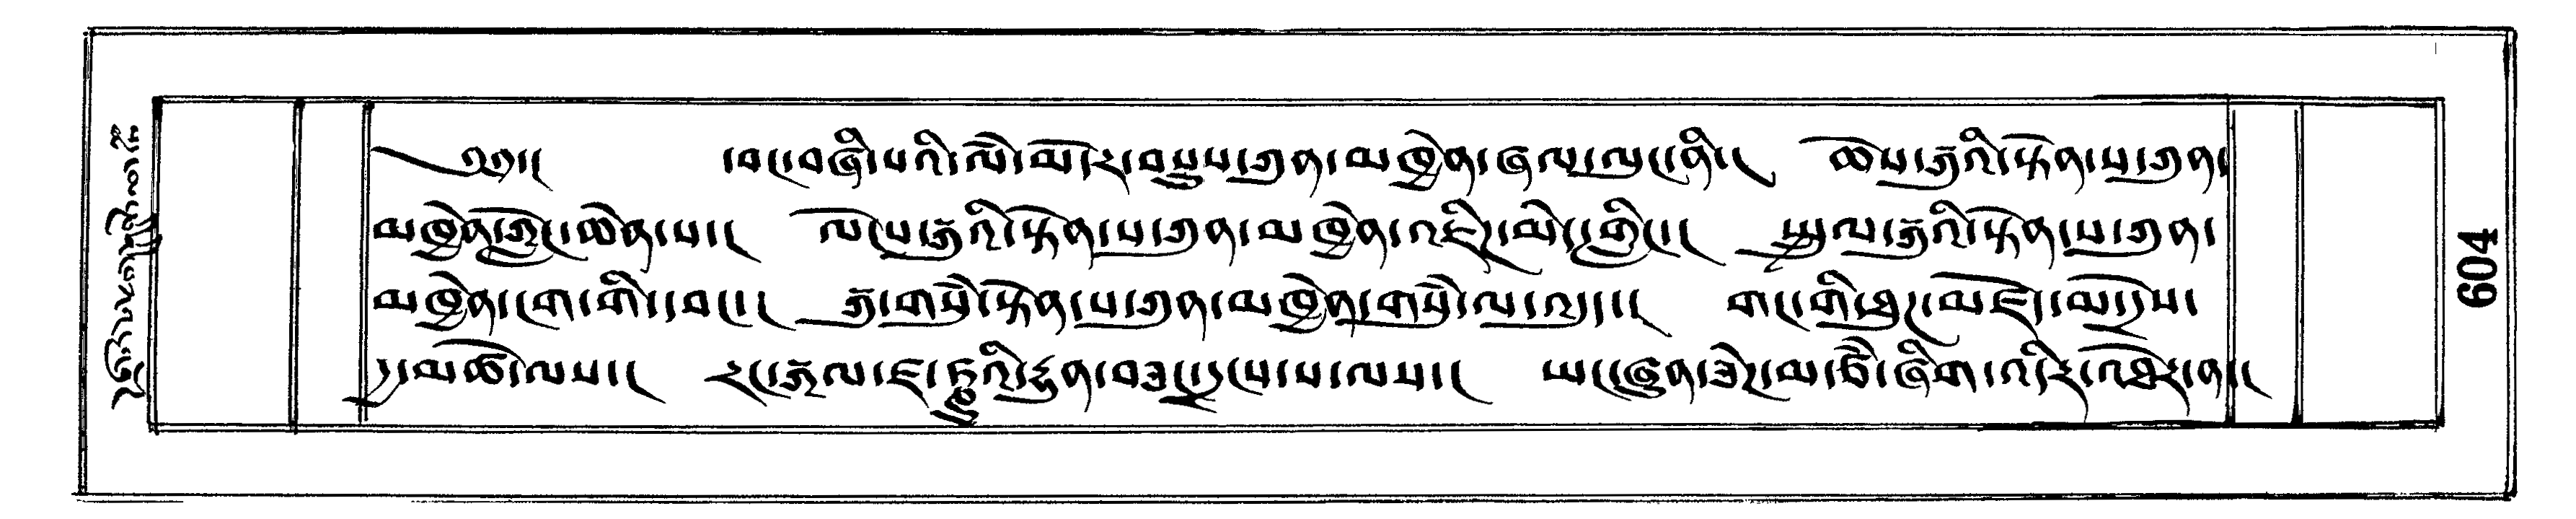༄༅། དབང་བཞི་པའི་ལམ་མདོར་བསྡུས་ཀུན་མཁྱེན་ཞལ་ལུང་ནི། ཆོས་སྐུའི་སྟོན་པ་ཀུན་
མཁྱེན་ཀློང་ཆེན་པ། །ལོངས་སྐུའི་སྟོན་པ་ཀུན་མཁྱེན་འཇིགས་མེད་གླིང་། །སྤྲུལ་སྐུའི་སྟོན་པ་ཀུན་
མཁྱེན་ངག་གི་དབང་། །སྐུ་གསུམ་སྟོན་པ་ཀུན་མཁྱེན་གསུམ་ལ་འདུད། །གང་གི་ཐུགས་མཛོད་མ་དྲོས་
རྒྱ་མཚོ་ལས། །རང་སྐལ་ཛ་ཧྞུའི་རྒྱུན་བཟང་དྲངས་པ་ལས། །ཡང་ཞུན་ཟེགས་མ་ཙམ་ཞིག་འདིར་འཐོར་ན།